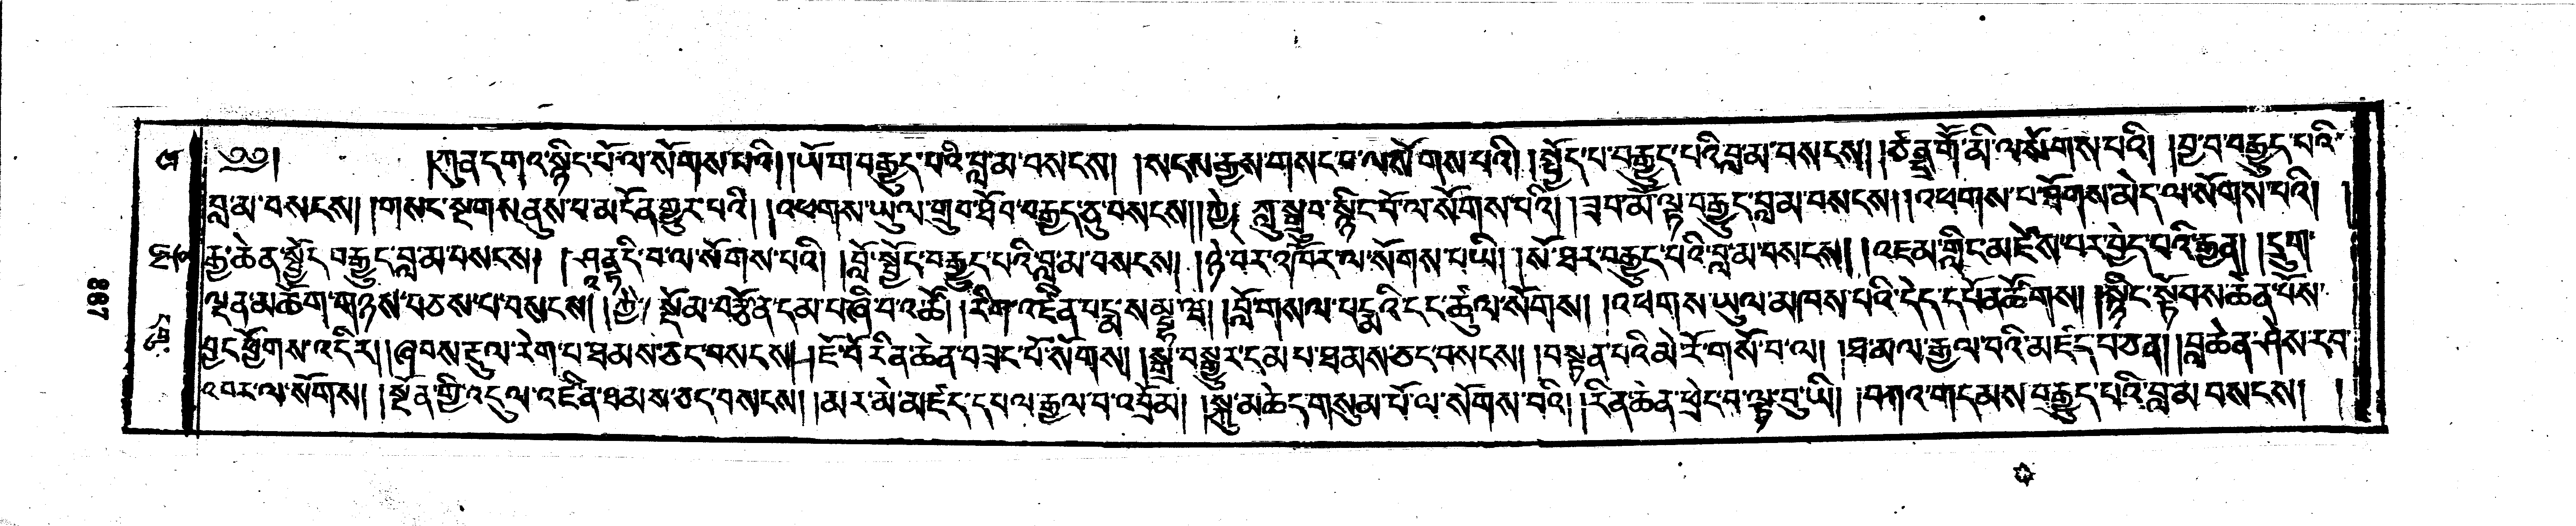༄༅། །ཀུན་དགའ་སྙིང་པོ་ལ་སོགས་པའི། །ཡོ་ག་བརྒྱུད་པའི་བླ་མ་བསངས། །སངས་རྒྱས་གསང་བ་ལ་སོགས་པའི། །སྤྱོད་པ་བརྒྱུད་པའི་བླ་མ་བསངས། །ཙནྡྲ་གཽ་མི་ལ་སོགས་པའི། །བྱ་བ་བརྒྱུད་པའི་
བླ་མ་བསངས། །གསངས་སྔགས་ནུས་པ་མངོན་གྱུར་པའི། །འཕགས་ཡུལ་གྲུབ་ཐོབ་བརྒྱད་ཅུ་བསངས། །ཀྱཻ། ཀླུ་སྒྲུབ་སྙིང་པོ་ལ་སོགས་པའི། །ཟབ་མོ་ལྟ་བརྒྱུད་བླ་མ་བསངས། །འཕགས་པ་ཐོགས་མེད་ལ་སོགས་པའི། །
རྒྱ་ཆེན་སྤྱོད་བརྒྱུད་བླ་མ་བསངས། །ཤཱནྟ་དེ་བ་ལ་སོགས་པའི། །བློ་སྦྱོང་བརྒྱུད་པའི་བླ་མ་བསངས། །ཉེ་བར་འཁོར་ལ་སོགས་པ་ཡི། །སོ་ཐར་བརྒྱུད་པའི་བླ་མ་བསངས། །འཛམ་གླིང་མཛེས་པར་བྱེད་པའི་རྒྱན། །དྲུག་
ལྡན་མཆོག་གཉིས་བཅས་པ་བསངས། །ཀྱཻ། སྡོམ་བརྩོན་དམ་པ་ཞི་བ་འཚོ། །རིག་འཛིན་པདམ་སམྦྷ་ཝ། །བློ་གསལ་པདམའི་ངང་ཚུལ་སོགས། །འཕགས་ཡུལ་མཁས་པའི་དེད་དཔོན་ཚོགས། །སྙིང་སྟོབས་ཆེན་པོས་
བྱང་ཕྱོགས་འདིར། །ཞབས་རྡུལ་རེག་པ་ཐམས་ཅད་བསངས། །ཇོ་བོ་རིན་ཆེན་བཟང་པོ་སོགས། །སྒྲ་བསྒྱུར་དམ་པ་ཐམས་ཅད་བསངས། །བསྟན་པའི་མེ་རོ་གསོ་བ་ལ། །ཐ་མལ་རྒྱལ་བའི་མཛད་པ་ཅན། །བླ་ཆེན་ཤེས་རབ་
འབར་ལ་སོགས། །སྔོན་གྱི་འདུལ་འཛིན་ཐམས་ཅད་བསངས། །མར་མེ་མཛད་དཔལ་རྒྱལ་བ་འབྲོམ། །སྐུ་མཆེད་གསུམ་པོ་ལ་སོགས་པའི། །རིན་ཆེན་ཕྲེང་བ་ལྟ་བུ་ཡི། །བཀའ་གདམས་བརྒྱུད་པའི་བླ་མ་བསངས། །